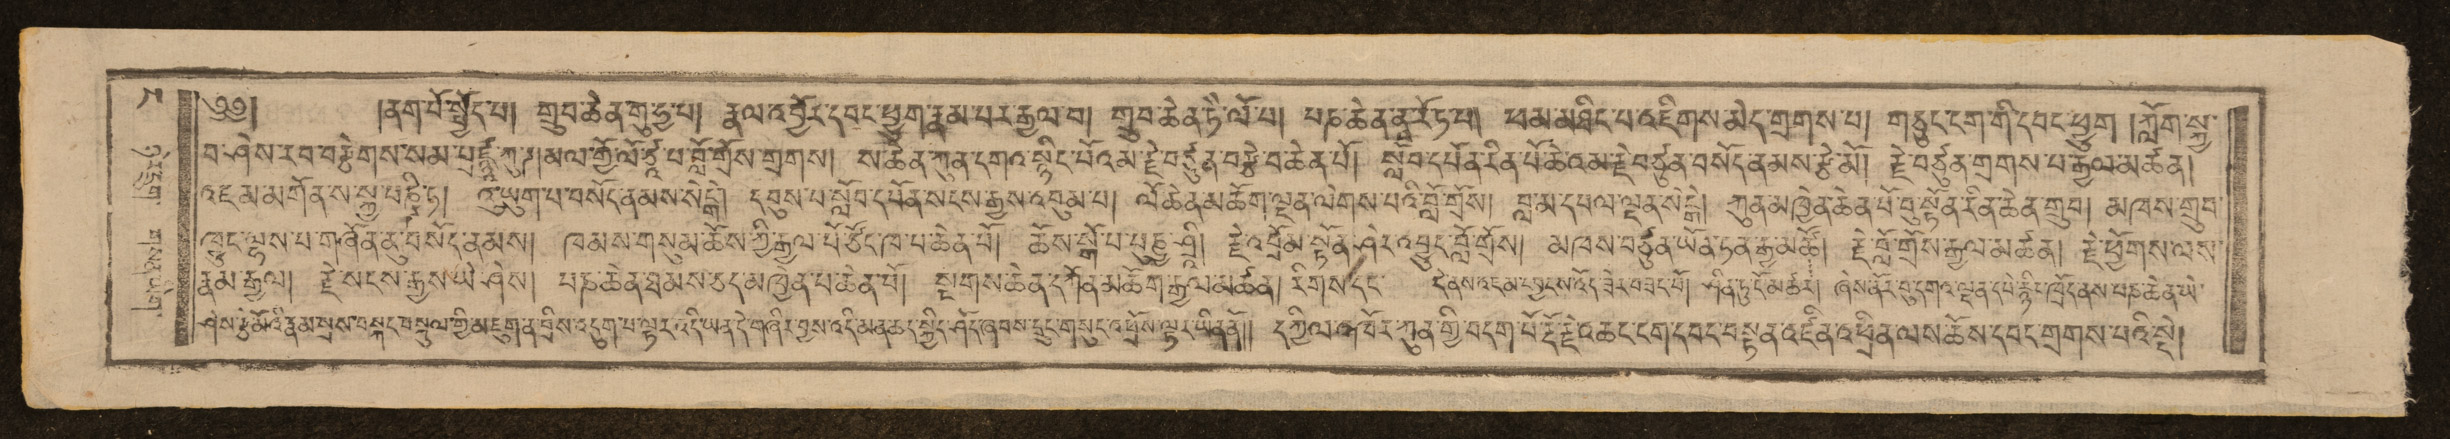༄༅། །ནག་པོ་སྤྱོད་པ། གྲུབ་ཆེན་གུ་ཧྱ་པ། རྣལ་འབྱོར་དབང་ཕྱུག་རྣམ་པར་རྒྱལ་པ། གྲུབ་ཆེན་ཏཻ་ལོ་པ། པཎ་ཆེན་ནཱ་རོ་ཏ་པ། ཕམ་མཐིང་བ་འཇིགས་མེད་གྲགས་པ། གཅུང་ངག་གི་དབང་ཕྱུག །ཀློག་སྐྱ་
བཤེས་རབ་བརྩེགས་སམ་པྲཛྙཱ་ཀུ་ཌ། མལ་གྱོ་ལོ་ཙཱ་པ་བློ་གྲོས་གྲགས། ས་ཆེན་ཀུན་དགའ་སྙིང་པོའམ་རྗེ་བཙུན་བརྩེ་བ་ཆེན་པོ། སློབ་དཔོན་རིན་པོ་ཆེའམ་རྗེ་བཙུན་བསོད་ནམས་རྩེ་མོ། རྗེ་བཙུན་གྲགས་པ་རྒྱལ་མཚན།
འཇམ་མགོན་ས་སྐྱ་པཎྜི་ཏ། འུ་ཡུག་པ་བསོད་ནམས་སེངྒེ། དབུས་པ་སློབ་དཔོན་སངས་རྒྱས་འབུམ་པ། ལོ་ཆེན་མཆོག་ལྡན་ལེགས་པའི་བློ་གྲོས། བླ་མ་དཔལ་ལྡན་སེངྒེ། ཀུན་མཁྱེན་ཆེན་པོ་བུ་སྟོན་རིན་ཆེན་གྲུབ། མཁས་གྲུབ་
ཁྱུང་ལྷས་པ་གཞོན་ནུ་བསོད་ནམས། ཁམས་གསུམ་ཆོས་ཀྱི་རྒྱལ་པོ་ཙོང་ཁ་པ་ཆེན་པོ། ཆོས་སྒོ་པ་པུཎྱ་ཤྲཱི། རྗེ་འབྲོམ་སྟོན་ཤེར་འབྱུང་བློ་གྲོས། མཁས་བཙུན་ཡོན་ཏན་རྒྱ་མཚོ། རྗེ་བློ་གྲོས་རྒྱལ་མཚན། རྗེ་ཕྱོགས་ལས་
རྣམ་རྒྱལ། རྗེ་སངས་རྒྱས་ཡེ་ཤེས། པཎ་ཆེན་ཐམས་ཅད་མཁྱེན་པ་ཆེན་པོ། སྔགས་ཆེན་དཀོན་མཆོག་རྒྱལ་མཚན། རིགས་དང་དེ་ནས་འཇམ་དབྱངས་འོད་ཟེར་བཟང་པོ། ཤིན་ཏུ་ངོ་མཚར། ཞེས་ནོར་བུ་དགའ་ལྡན་དཔེ་རྙིང་ཁྲོད་ནས་པཎ་ཆེན་ཡེ་
ཤེས་རྩེ་མོའི་རྣམ་སྲས་བསྐད་བསྐུལ་གྱི་མཇུག་ན་བྲིས་འདུག་པ་ལྟར་འདི་ཡན་དེ་གཞིར་བྱས་འདི་མན་ཆད་སྐྱིད་ཤོད་ཞབས་དྲུང་གསུང་འཕྲོས་ལྟར་ཡིན་ནོ།། དཀྱིལ་འཁོར་ཀུན་གྱི་བདག་པོ་རྡོ་རྗེ་འཆང་ངག་དབང་བསྟན་འཛིན་འཕྲིན་ལས་ཆོས་དབང་གྲགས་པའི་སྡེ།